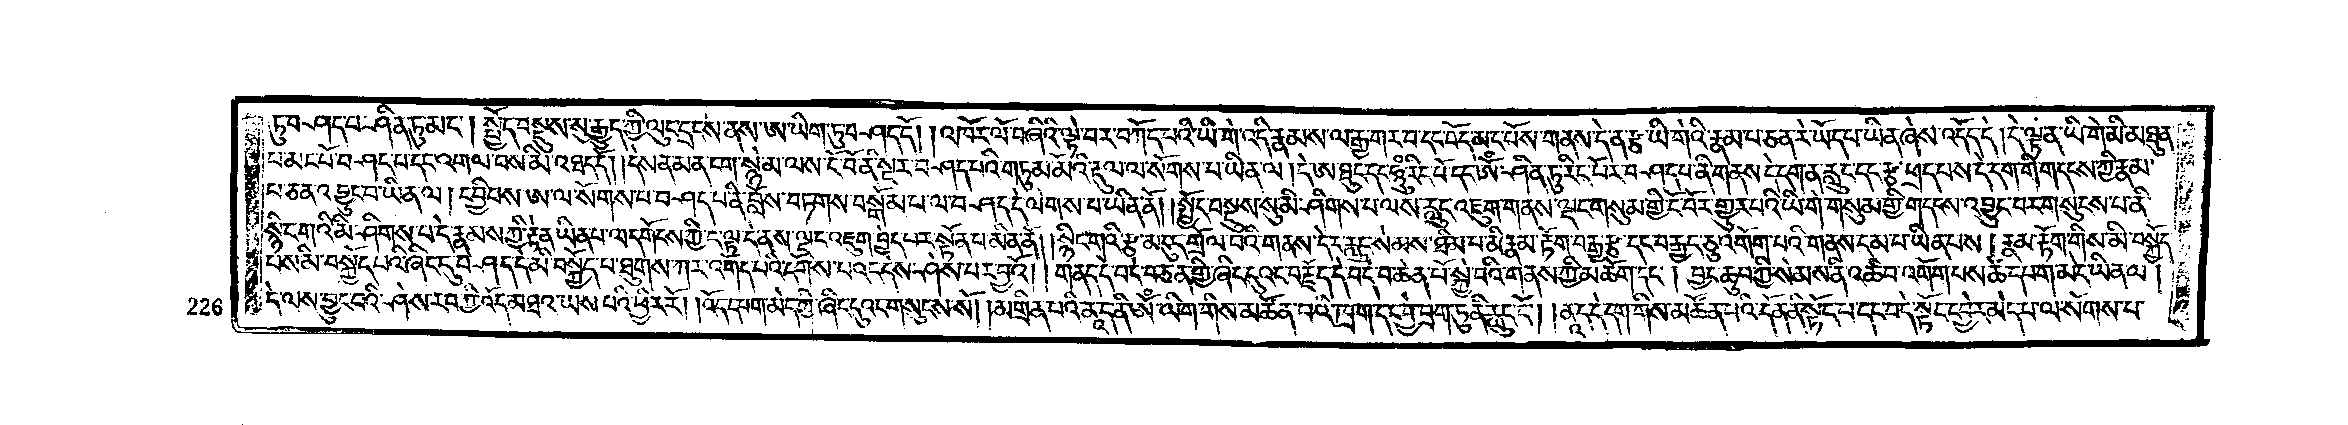ཏུ་བཤད་པ་ཤིན་ཏུ་མང་། སྤྱོད་བསྡུས་སུ་རྒྱུད་ཀྱི་ལུང་དྲངས་ནས་ཨ་ཡིག་ཏུ་བཤད་དོ། །འཁོར་ལོ་བཞིའི་ལྟེ་བར་བཀོད་པའི་ཡི་གེ་འདི་རྣམས་ལ་རྒྱ་གར་བ་དང་བོད་མང་པོས་གནས་དེ་ན་རྩ་ཡི་གེའི་རྣམ་པ་ཅན་རེ་ཡོད་པ་ཡིན་ཞེས་འདོད་དེ། དེ་ལྟ་ན་ཡི་གེ་མི་མཐུན་
པ་མང་པོ་བཤད་པ་དང་འགལ་བས་མི་འཐད་དོ། །དེས་ན་མན་ངག་སྙེ་མ་ལས་ངོ་བོ་ནི་སྔར་བཤད་པའི་གཏུམ་མོའི་རྡུལ་ལ་སོགས་པ་ཡིན་ལ། དེ་ཨ་ཐུང་དང་ཧཱུཾ་རིང་པོ་དང་ཨོཾ་ཤིན་ཏུ་རིང་པོར་བཤད་པ་ནི་གནས་དེ་དག་ན་རླུང་དང་རྩ་ཕྲད་པས་དེ་དག་གི་གདངས་ཀྱི་རྣམ་
པ་ཅན་འབྱུང་བ་ཡིན་ལ། དབྱིབས་ཨ་ལ་སོགས་པ་བཤད་པ་ནི་བློས་བཏགས་བསྒོམ་པ་ལ་བཤད་དེ་ལེགས་པ་ཡིན་ནོ། །སྤྱོད་བསྡུས་སུ་མི་ཤིགས་པ་ལས་རླུང་འཇུག་གནས་ལྡང་གསུམ་གྱི་ངོ་བོར་གྱུར་པའི་ཡི་གེ་གསུམ་གྱི་གདངས་འབྱུང་བར་གསུངས་པ་ནི་
སྙིང་གའི་མི་ཤིགས་པ་དེ་རྣམས་ཀྱི་རྟེན་ཡིན་པ་ལ་དགོངས་ཀྱི་ད་ལྟ་དེ་ནས་ལྡང་འཇུག་བྱེད་པར་སྟོན་པ་མིན་ནོ། །སྙིང་གའི་རྩ་མདུད་གྲོལ་བའི་གནས་དེར་རླུང་སེམས་ཐིམ་པ་ནི་རྣམ་རྟོག་བརྒྱ་རྩ་དང་བརྒྱད་ཅུ་འགོག་པའི་གནས་དམ་པ་ཡིན་པས། རྣམ་རྟོག་གིས་མི་བསྐྱོད་
པས་མི་བསྐྱོད་པའི་ཞིང་དུ་བཤད་དེ་མི་བསྐྱོད་པ་ཐུགས་ཀར་འགོད་པའི་དགོས་པའི་དགོས་པའང་དེས་ཤེས་པར་བྱའོ། །གནད་དེ་བདེ་བ་ཅན་གྱི་ཞིང་དུའང་བརྗོད་དེ་བདེ་བ་ཆེན་པོ་སྐྱེ་བའི་གནས་ཀྱི་མཆོག་དང་། བྱང་ཆུབ་ཀྱི་སེམས་ནི་འཆི་བ་འགོག་པས་ཚེ་དཔག་མེད་ཡིན་ལ།
དེ་ལས་བྱུང་བའི་ཤེས་རབ་ཀྱི་འོད་མཐའ་ཡས་པའི་ཕྱིར་རོ། །འོད་དཔག་མེད་ཀྱི་ཞིང་དུའང་གསུངས་སོ། །མགྲིན་པའི་ནཱ་ད་ནི་ཨོཾ་ཡིག་གིས་མཚོན་པའི་ཁྲག་དང་བྱེ་བྲག་ཏུ་ནི་རླུང་ངོ། །ནཱ་ད་དེ་དག་གིས་མཚོན་པའི་དོན་ནི་སྟོང་པ་དང་བདེ་སྟོང་དབྱེར་མེད་པ་ལ་སོགས་པ་